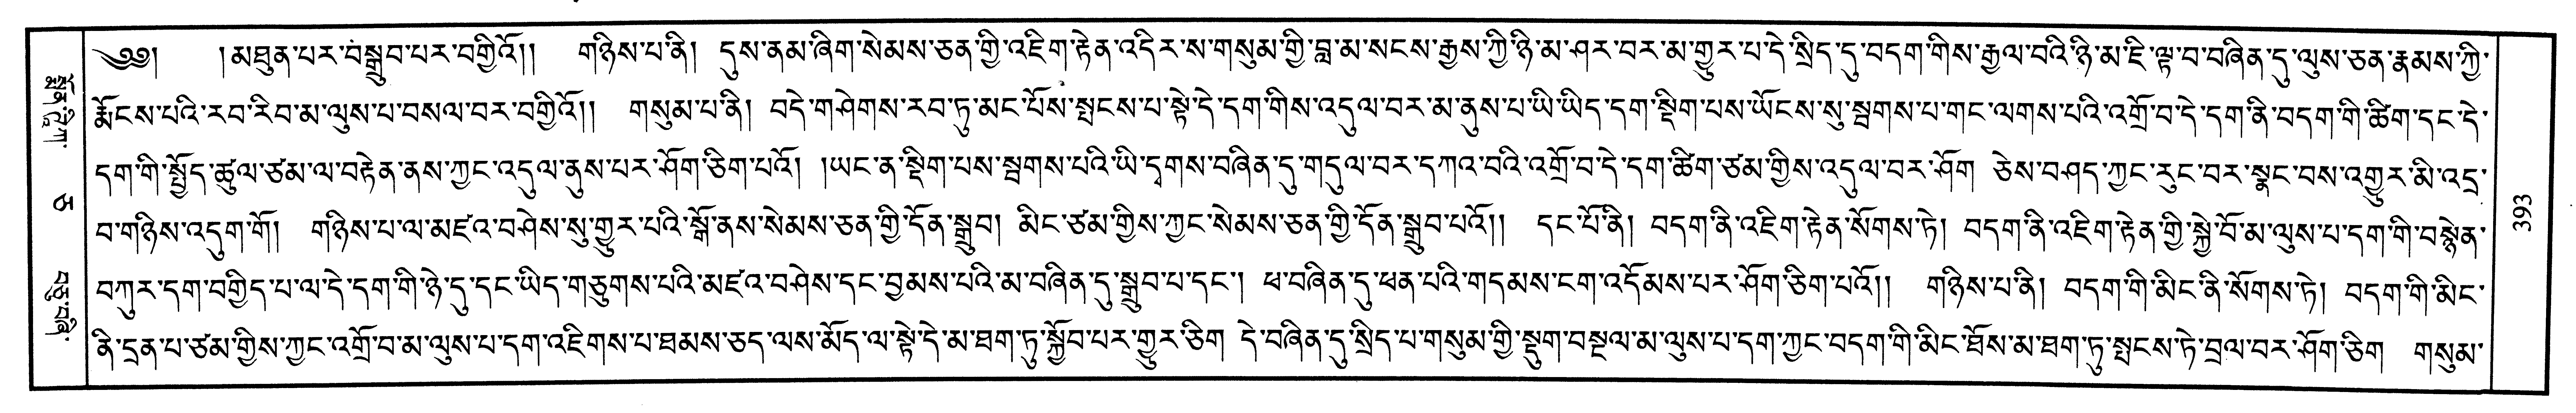༄༅། །མཐུན་པར་བསྒྲུབ་པར་བགྱིའོ།། གཉིས་པ་ནི། དུས་ནམ་ཞིག་སེམས་ཅན་གྱི་འཇིག་རྟེན་འདིར་ས་གསུམ་གྱི་བླ་མ་སངས་རྒྱས་ཀྱི་ཉི་མ་ཤར་བར་མ་གྱུར་པ་དེ་སྲིད་དུ་བདག་གིས་རྒྱལ་བའི་ཉི་མ་ཇི་ལྟ་བ་བཞིན་དུ་ལུས་ཅན་རྣམས་ཀྱི་
རྨོངས་པའི་རབ་རིབ་མ་ལུས་པ་བསལ་བར་བགྱིའོ།། གསུམ་པ་ནི། བདེ་གཤེགས་རབ་ཏུ་མང་པོས་སྤངས་པ་སྟེ་དེ་དག་གིས་འདུལ་བར་མ་ནུས་པ་ཡི་ཡིད་དག་སྡིག་པས་ཡོངས་སུ་སྦགས་པ་གང་ལགས་པའི་འགྲོ་བ་དེ་དག་ནི་བདག་གི་ཚིག་དང་དེ་
དག་གི་སྤྱོད་ཚུལ་ཙམ་ལ་བརྟེན་ནས་ཀྱང་འདུལ་ནུས་པར་ཤོག་ཅིག་པའོ། །ཡང་ན་སྡིག་པས་སྦགས་པའི་ཡི་དྭགས་བཞིན་དུ་གདུལ་བར་དཀའ་བའི་འགྲོ་བ་དེ་དག་ཚིག་ཙམ་གྱིས་འདུལ་བར་ཤོག་ཅེས་བཤད་ཀྱང་རུང་བར་སྣང་བས་འགྱུར་མི་འདྲ་
བ་གཉིས་འདུག་གོ། གཉིས་པ་ལ་མཛའ་བཤེས་སུ་གྱུར་པའི་སྒོ་ནས་སེམས་ཅན་གྱི་དོན་སྒྲུབ། མིང་ཙམ་གྱིས་ཀྱང་སེམས་ཅན་གྱི་དོན་སྒྲུབ་པའོ།། དང་པོ་ནི། བདག་ནི་འཇིག་རྟེན་སོགས་ཏེ། བདག་ནི་འཇིག་རྟེན་གྱི་སྐྱེ་བོ་མ་ལུས་པ་དག་གི་བསྙེན་
བཀུར་དག་བགྱིད་པ་ལ་དེ་དག་གི་ཉེ་དུ་དང་ཡིད་གཅུགས་པའི་མཛའ་བཤེས་དང་བྱམས་པའི་མ་བཞིན་དུ་སྒྲུབ་པ་དང་། ཕ་བཞིན་དུ་ཕན་པའི་གདམས་ངག་འདོམས་པར་ཤོག་ཅིག་པའོ།། གཉིས་པ་ནི། བདག་གི་མིང་ནི་སོགས་ཏེ། བདག་གི་མིང་
ནི་དྲན་པ་ཙམ་གྱིས་ཀྱང་འགྲོ་བ་མ་ལུས་པ་དག་འཇིགས་པ་ཐམས་ཅད་ལས་མདོ་ལ་སྟེ་དེ་མ་ཐག་ཏུ་སྐྱོབ་པར་གྱུར་ཅིག་དེ་བཞིན་དུ་སྲིད་པ་གསུམ་གྱི་སྡུག་བསྔལ་མ་ལུས་པ་དག་ཀྱང་བདག་གི་མིང་ཐོས་མ་ཐག་ཏུ་སྤངས་ཏེ་བྲལ་བར་ཤོག་ཅིག་གསུམ་